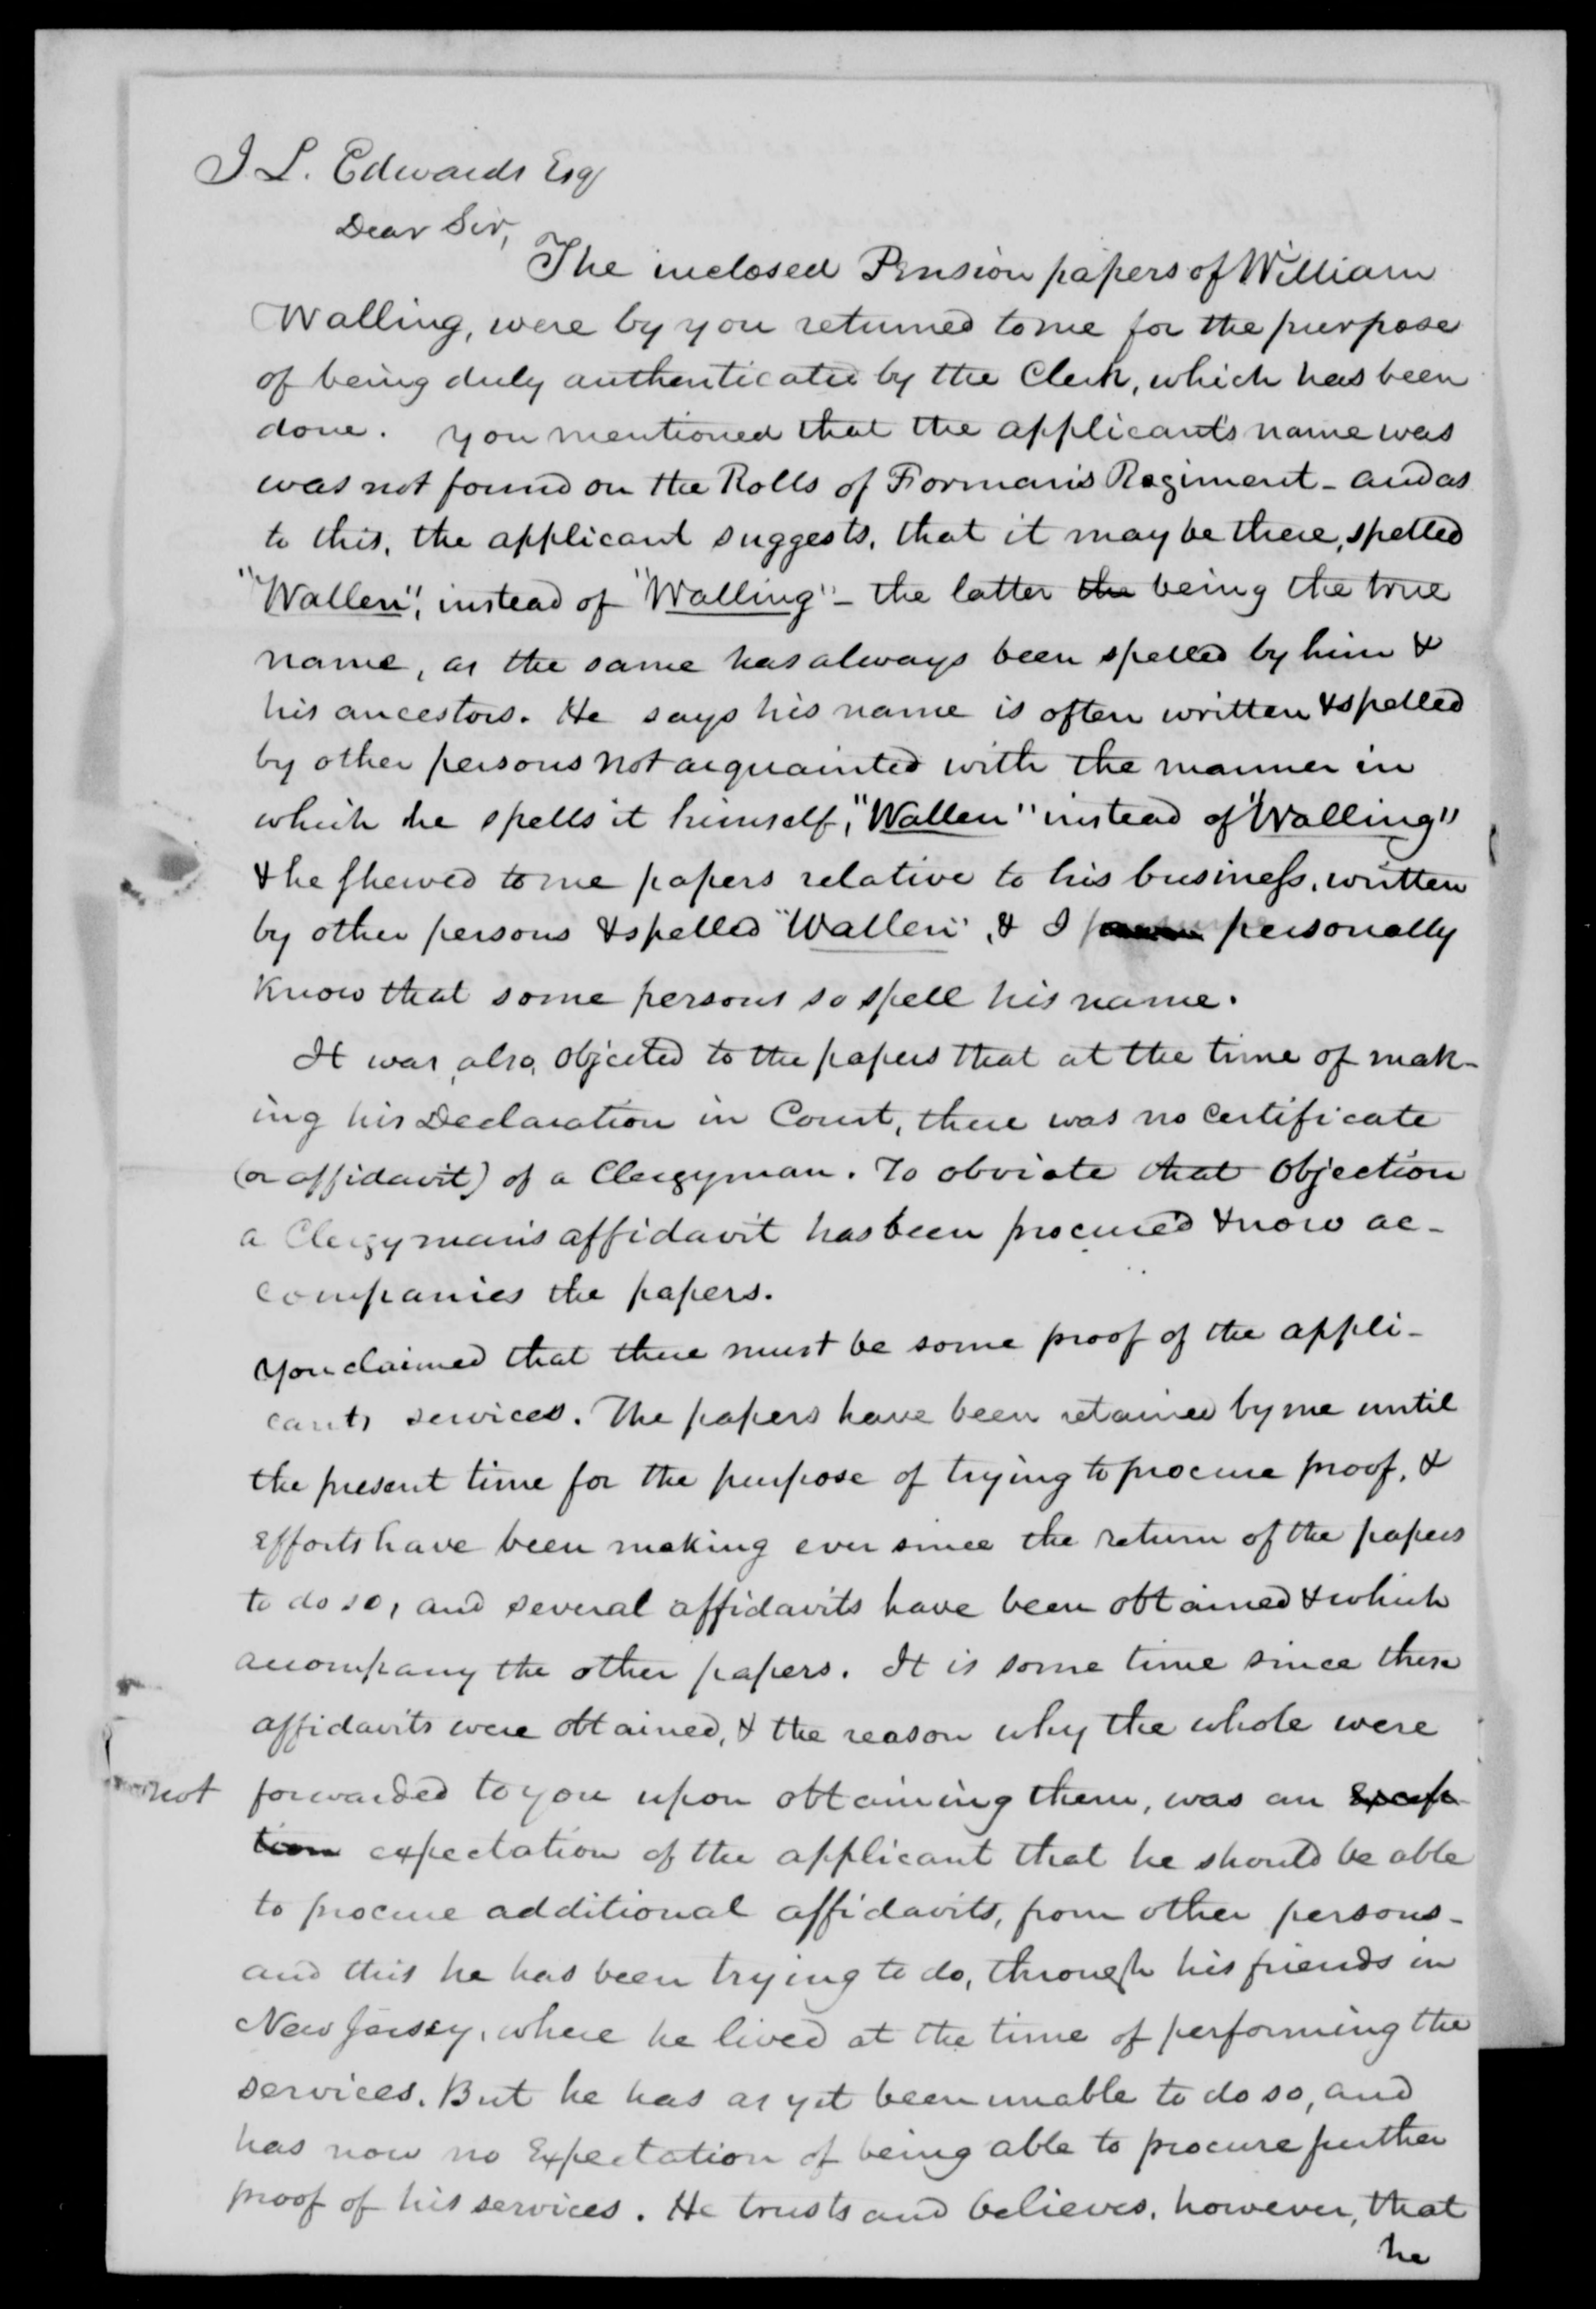J.L. Edwards Esq, Dear Sir, The enclosed Pension papers of William Walling, were by you returned to me for the purpose of being duly authenticated by the Clerk, which has been done.  You mentioned that the applicant's name was not found of the Rolls of Forman's Regiment and as to this, the applicant suggests, that it may be there, spelled "Wallen" instead of "Walling" - the latter being the true name, as the same has always been spelled by him & his ancestors.  He says his name is often written & spelled by other persons not acquainted with the manner in which he spells it himself, "Wallen" instead of "Walling" & he showed to me papers relative to his business, written by other persons & spelled "Wallen" & I personally know that some persons so spell his name.  

It was also objected to the papers that at the time of making his Declaration in Court, there was no certificate (or affidavit) of a Clergyman.  To obviate that objection a Clergyman's affidavit has been procured & now accompanies the papers.

Your claim that there must be some proof of the applicant's services.  The papers have been retained by me until the present time for the purpose of trying to procure proof, & efforts have been making ever since the return of the papers to do so, and several affidavits have been obtained & which accompany the other papers.  It is some time since these affidavits were obtained, & the reason why the whole were not forwarded to you upon obtaining them was an expectation of the applicant that he should be able to procure additional affidavits, from other persons - and this he had been trying to do, through his friends in New Jersey, where he lived at the time of performing the services. But he has as yet been unable to do so, and has now no expectation of being able to procure further proof of his services.  He trusts and believes, however, that the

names: Wallen, Wallen, Wallen, Walling, Walling, J L Edwards, William Walling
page: 21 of 66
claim: widow's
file: W. 19588, William Walling, New Jersey